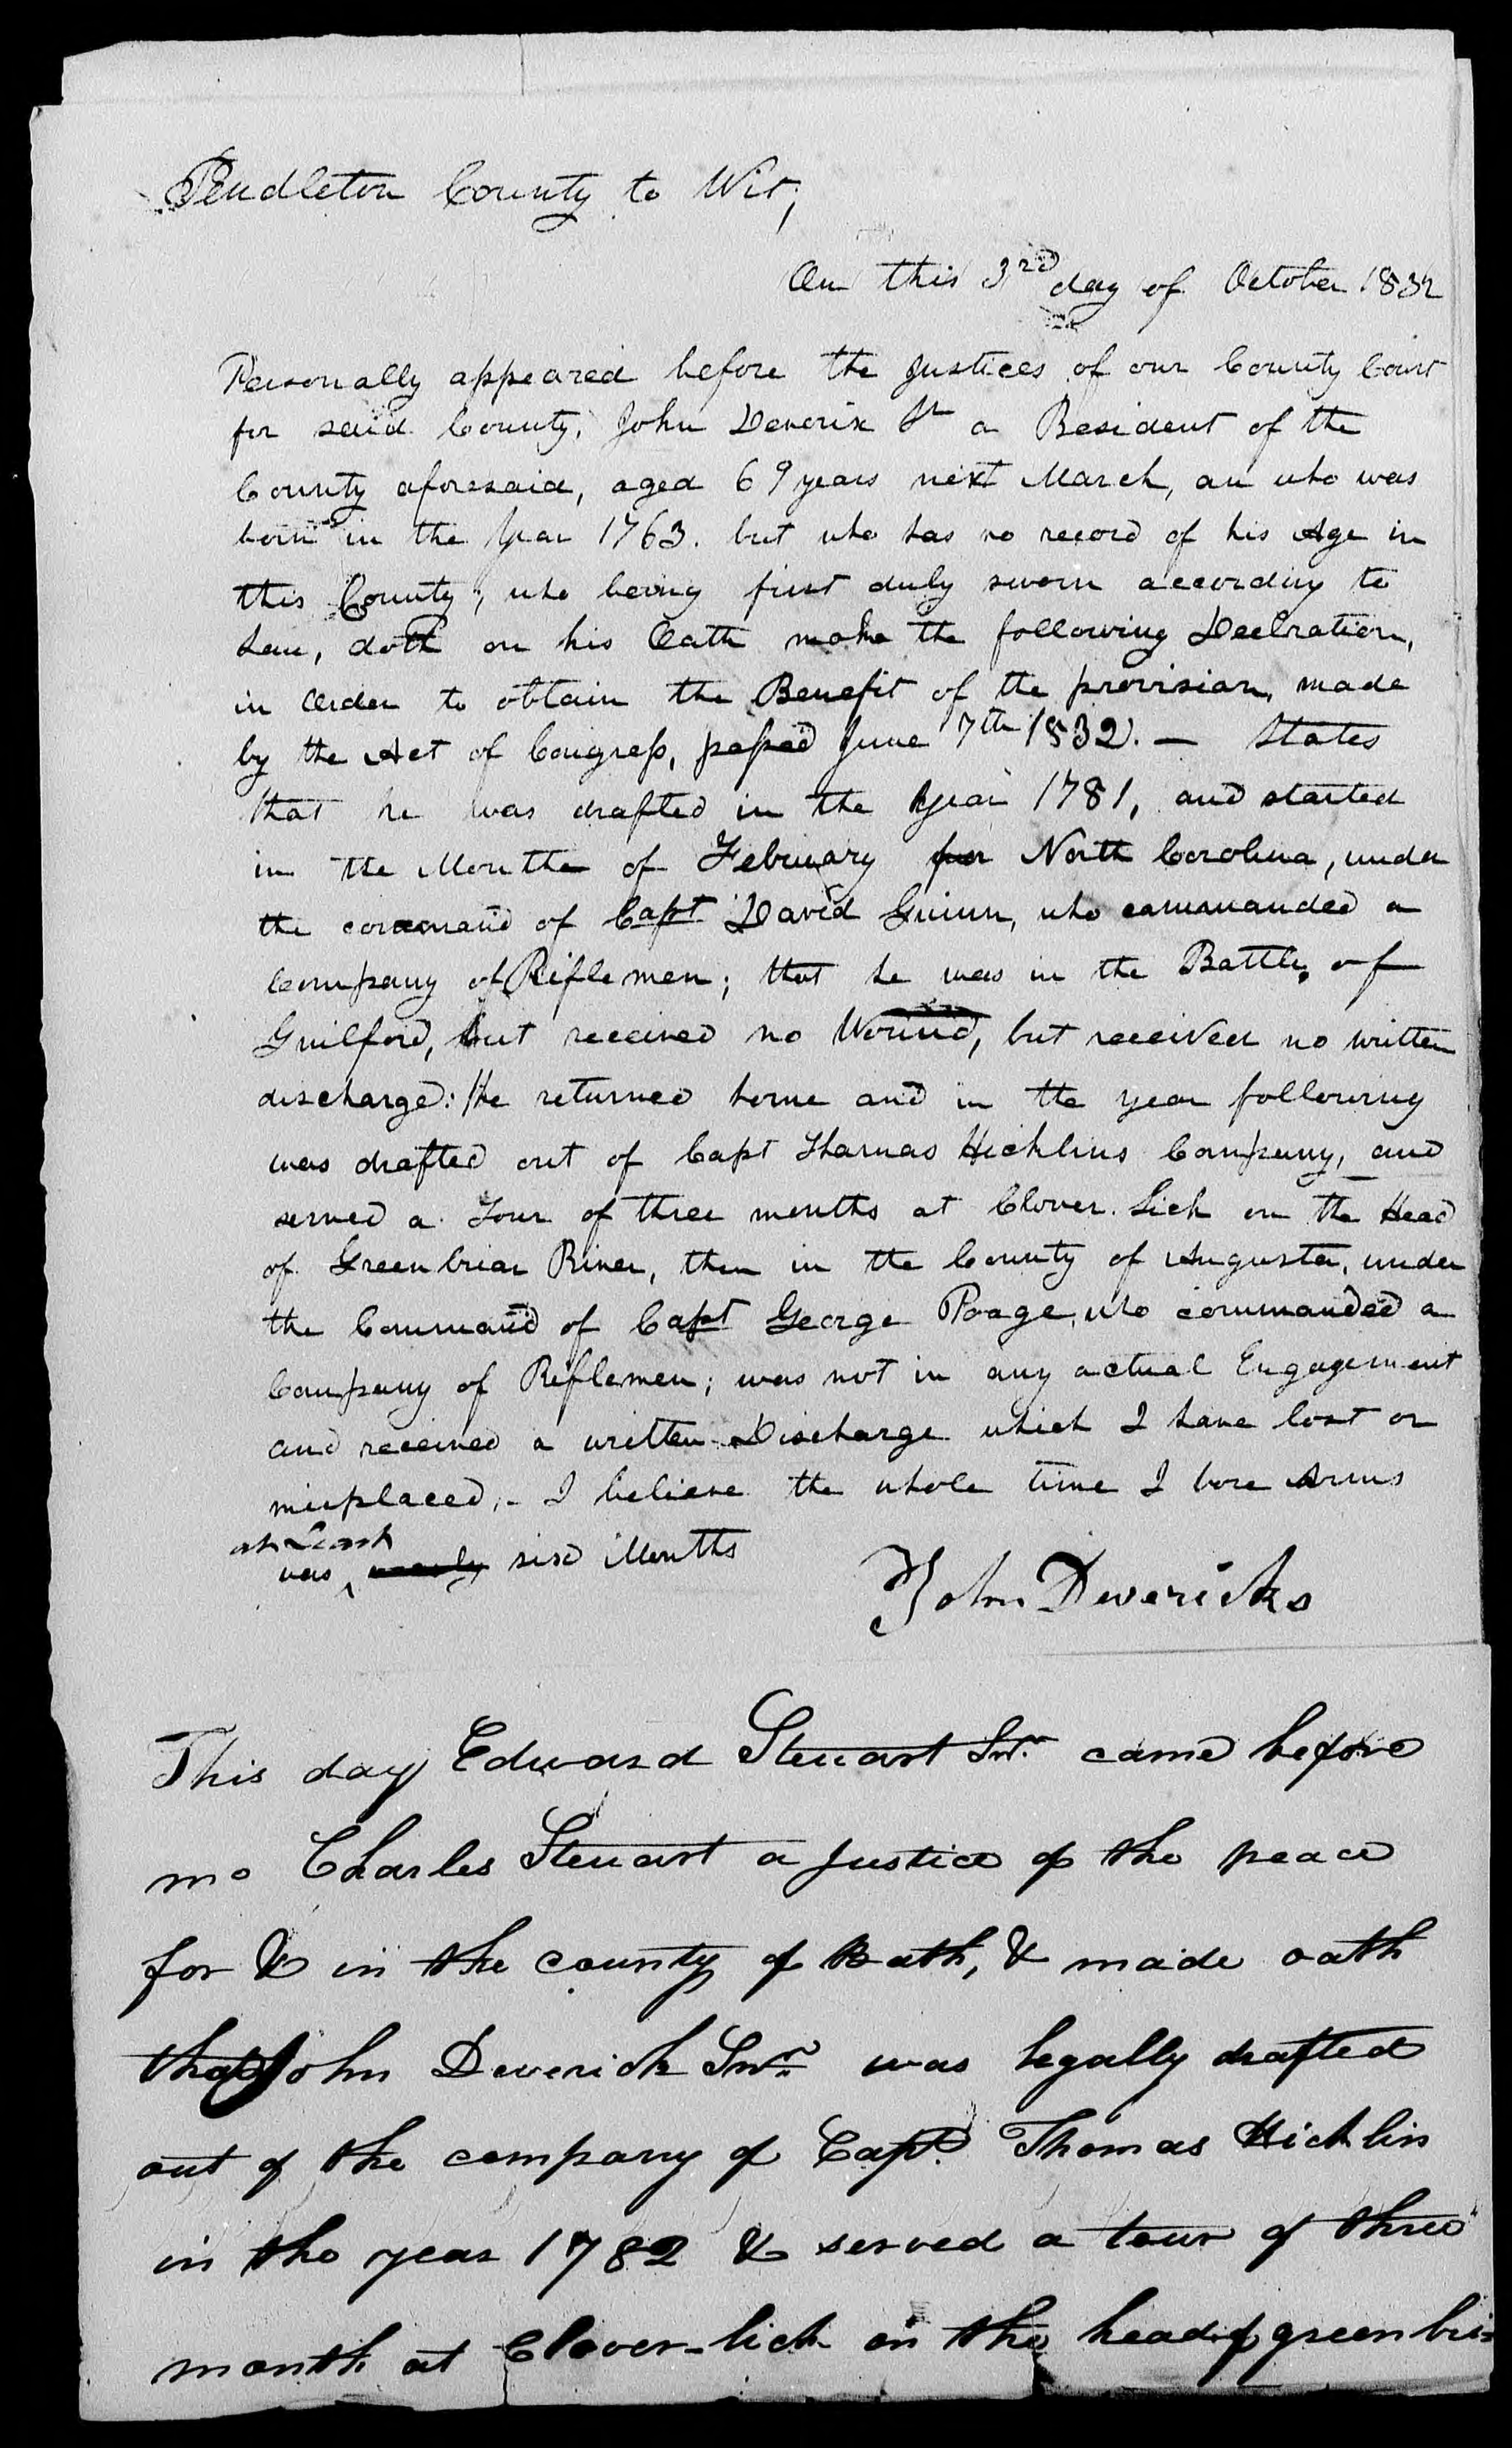Pendleton County to Wit;

On this 3rd day of October 1832 Personally appeared before the justices of our County Court for said County, John Deverick [illegible] a Resident of the County aforesaid, aged 69 years next March, an who was born in the Year 1783. but who has no record of his Age in this County, who being first duly sworn according to Law, doth on his Oath make the following declaration, in order to obtain the Benefit of the pension made by the Act of Congress, passed June 7th 1832. — States that he was drafted in the Year 1781, and started in the M[illegible] of February for North Carolina, under the command of Capt David Guinn, who was commanded a company of Riflemen; that he was in the Battle of Guilford, but received no Wound, but received no written discharge: He returned home and in the year following was drafted out of Capt Thomas Hicklins Company, and served a Four of [illegible] months at Clover L[illegible] on the Head of Greenbriar River, then in the County of [illegible], under the Command of Capt George Poage, who commanded a Company of Riflemen; was not in any actual Engagement and received a written Discharge which I have lost or misplaced; I believe the whole time I bore [illegible] was [illegible] [illegible] Months

John Devericks
This day Eduard Stewart [illegible] came before me Charles Stewart a Justice of the peace for + in the county of Bath, + made oath that John Devericks [illegible] was legally drafted out of the company of Capt. Thomas Hicklin in the year 1782 + served a term of three months at Clover [illegible] in the head of g[illegible]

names: George Poage, David Guinn, Charles Stewart, John Devericks, John Devenix, John Deverick, Edward Stewart, Thomas Hicklin, Ames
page: 5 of 35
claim: widow's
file: W 7007, John Devericks, Va.